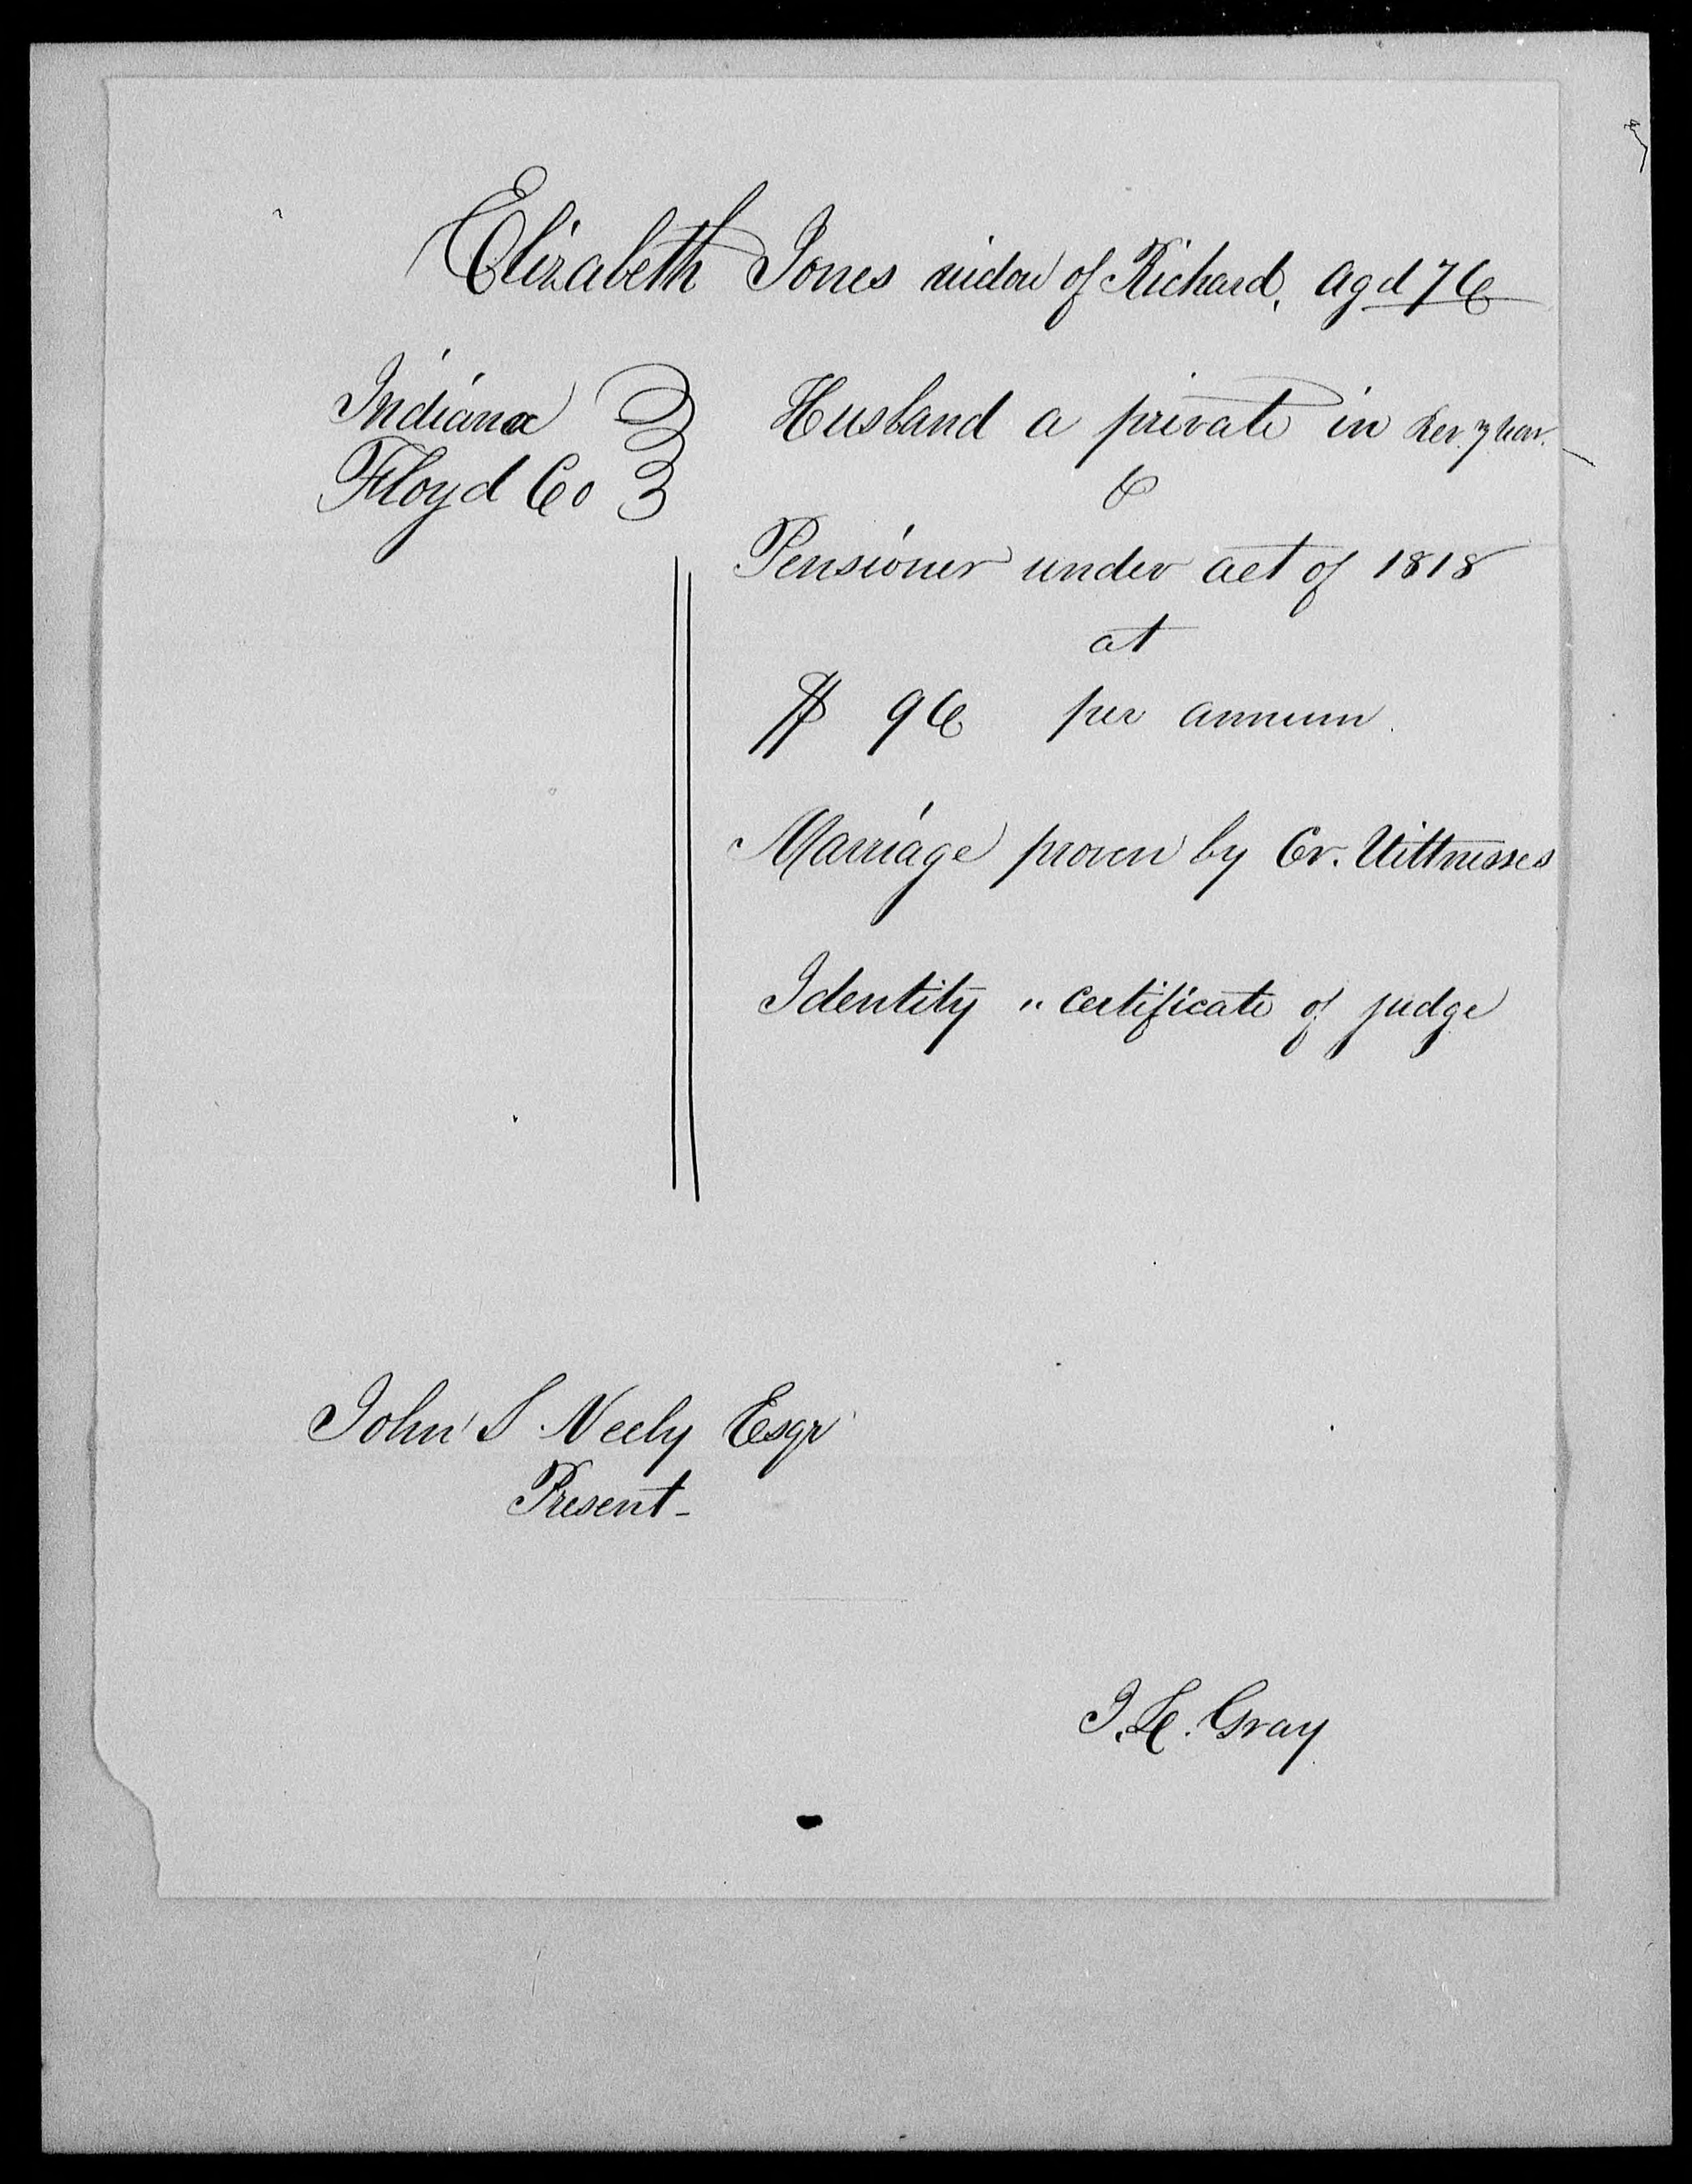Elizabeth Jones widow of Richard Aged 76
Indiana
Floyd Co
⎬
Husband a private in Revy War
Pensioner under act of 1818
at  $ 96 per annum
Marriage proven by Cr. Witnesses
Identity & certificate of Judge
John S. Neely Esqr
Present
J. L. Gray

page: 35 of 62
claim: widow's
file: W. 765, for Richard L Jones, Connecticut